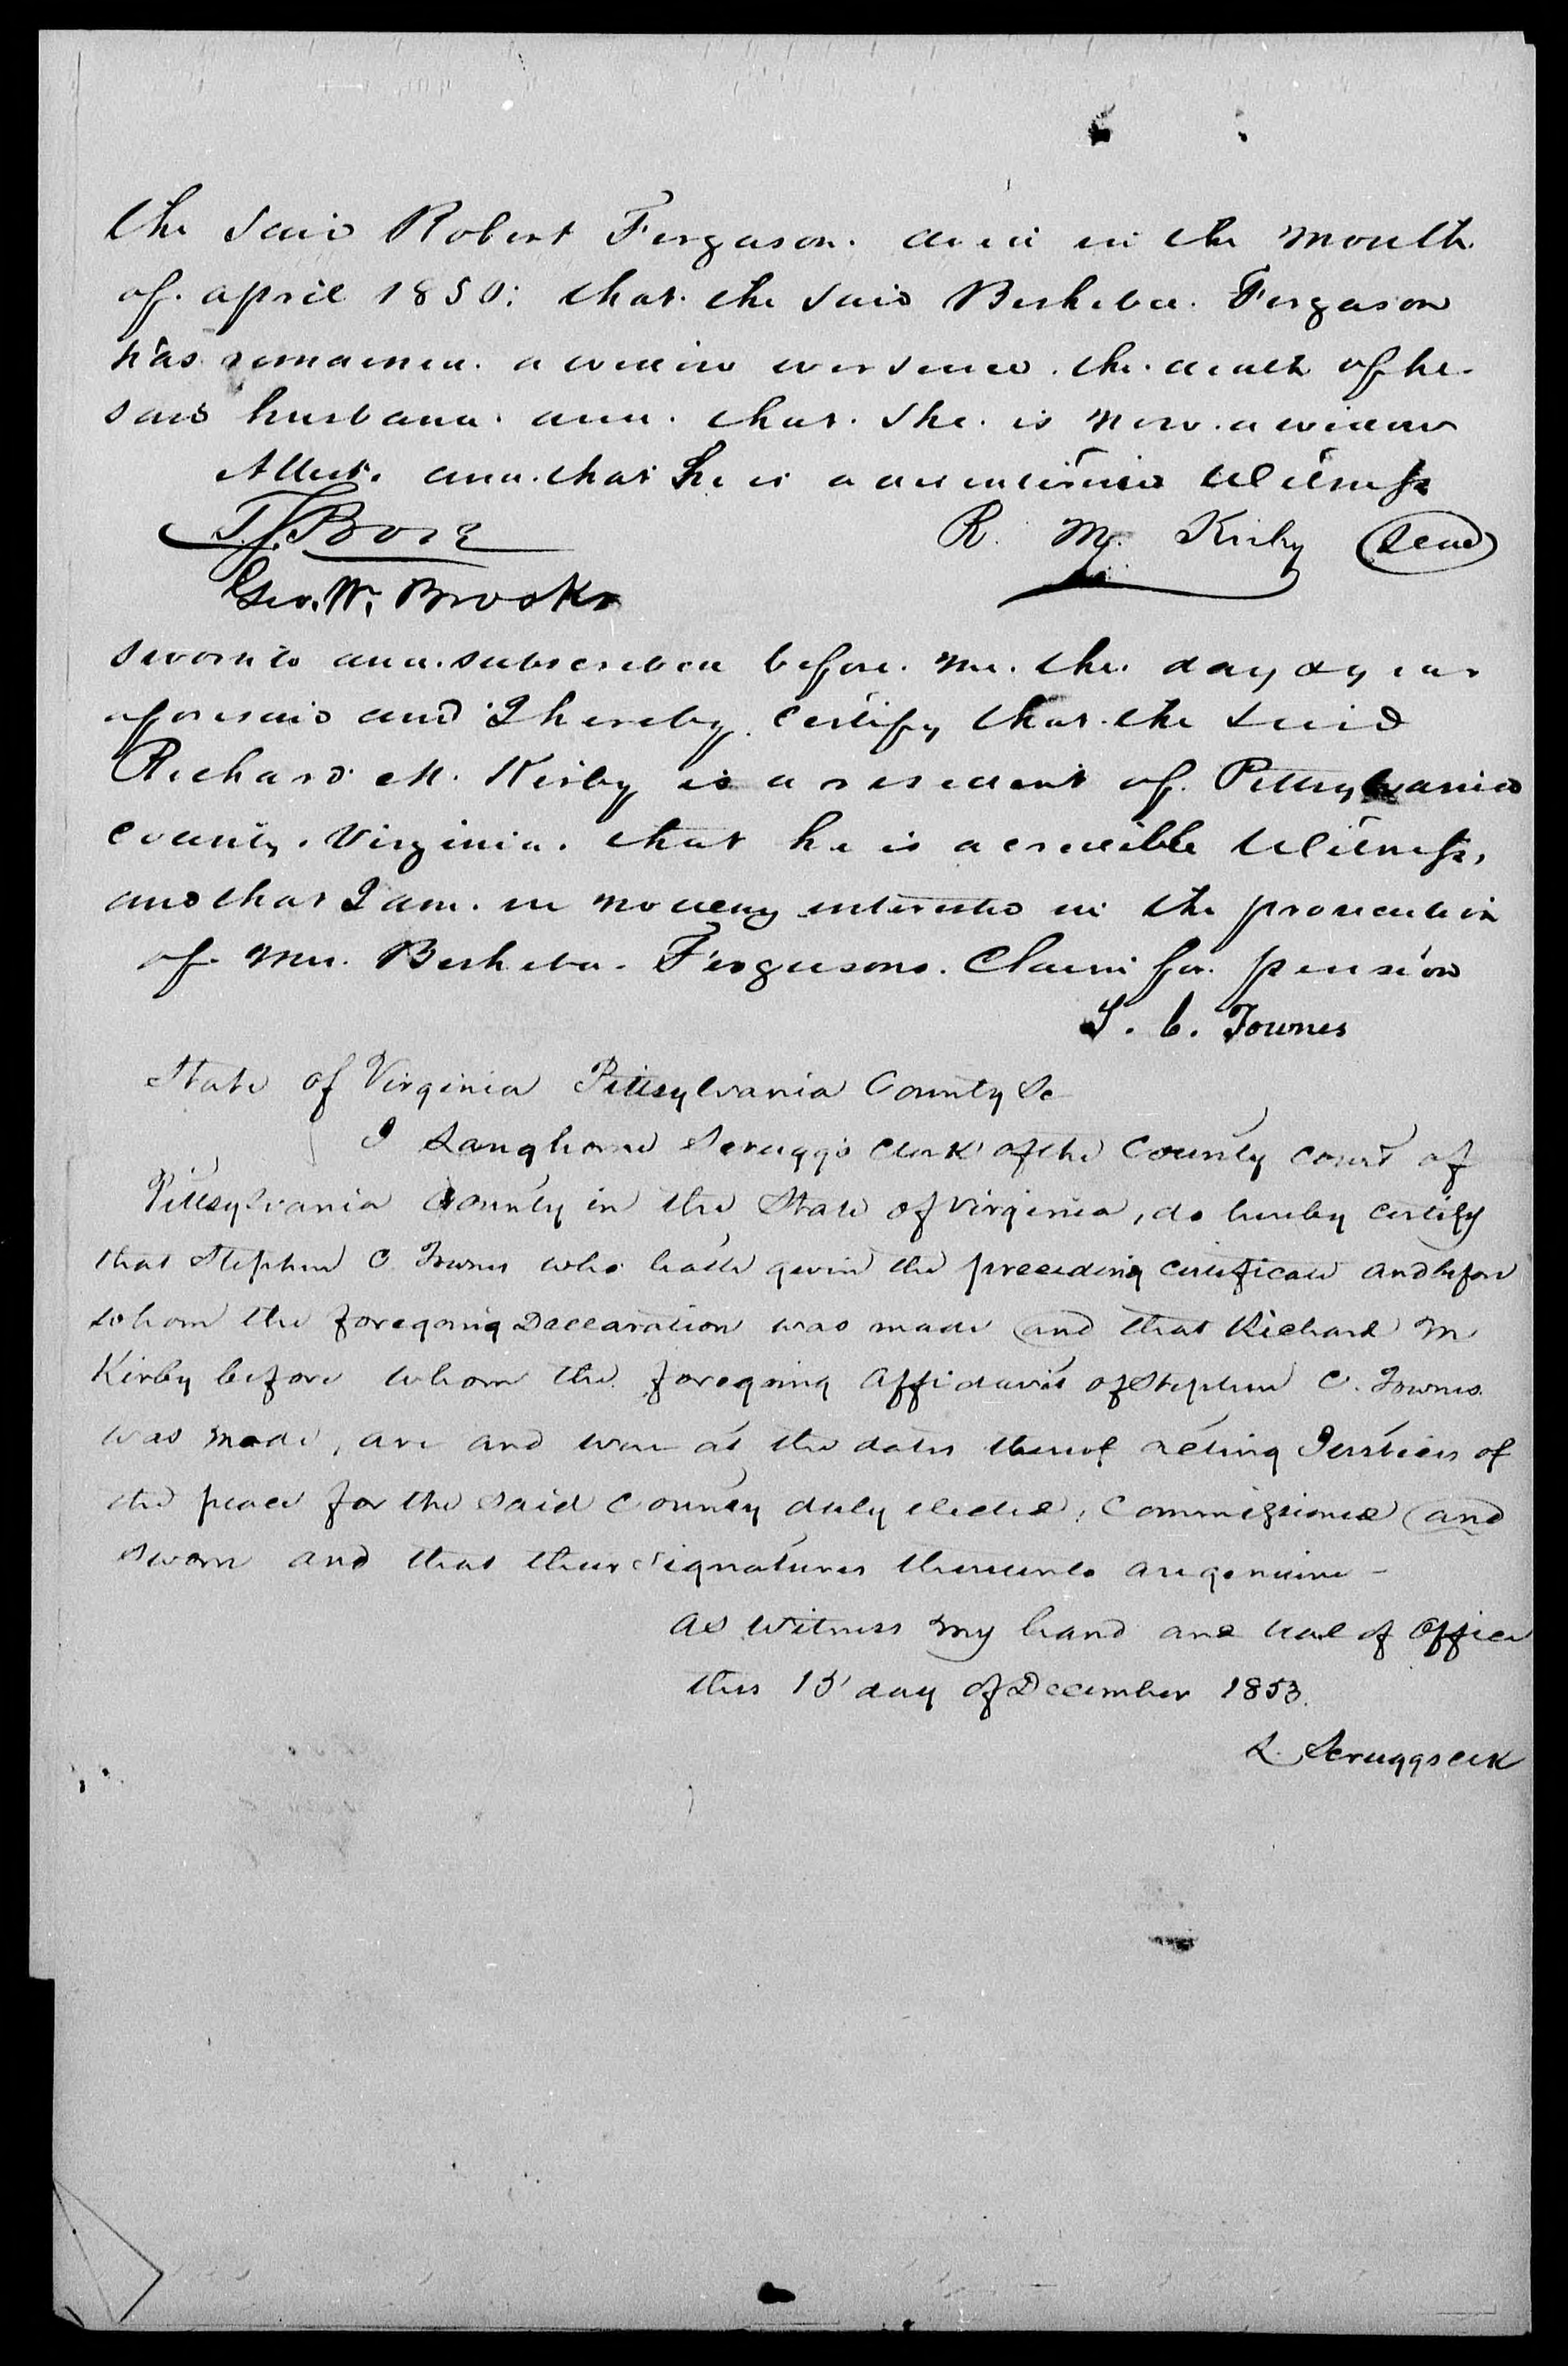the said Robert Ferguson and in the month 
of April 1850 that the said Besheba Ferguson
has [        ] a will in [     ] the [   ] of the 
said husband and thus she is now a widow.

     [     ] and that she is of 
      T F Boone                    R. M. Kirby 
      Geo M. Brooks

sworn to and subscribed before me this day  [  ]
aforesaid and I hereby certified that the said
Richard M Kirby is a [    ] of Pittsylvania
County, Virginia that he is a credible witness
and that I am in no way [    ] in the   [    ] in
of Mrs. Besheba Ferguson claim for pension.

                                        S. C. Townes

State of Virginia  Pittsylvania County

        I [ Sanghouse ] Scruggs clerk of the county court of Pittslvania county in the State of Virginia, do hereby certify that Stephen C. Townes, who hath given the presiding certificate and before whom the foregoing declaration was made and that Richard M. Kirby before whom the foregoing Affidavit of Stephen C. Townes was made and and was at this date thereof acting as Justice of the Peace for the said county duly elected Commissioned and sworn and that these signatures thereunto are genuine.
                                    
            As witness my hand and seal of office
             this 15th day of December 1853.
                                 S. Scruggs clk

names: Richard M Kirby, Geo W Brooks, Langhorne Scruggs, Besheba Ferguson, Stephen C Townes, Robert Ferguson, L Scruggs, S C Townes, Besheba Ferguson, Stephen C Townes, R M Kirby, T J Bore, Richard M Kirby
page: 77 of 81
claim: widow's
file: W. 7262, Robert Ferguson, Va.